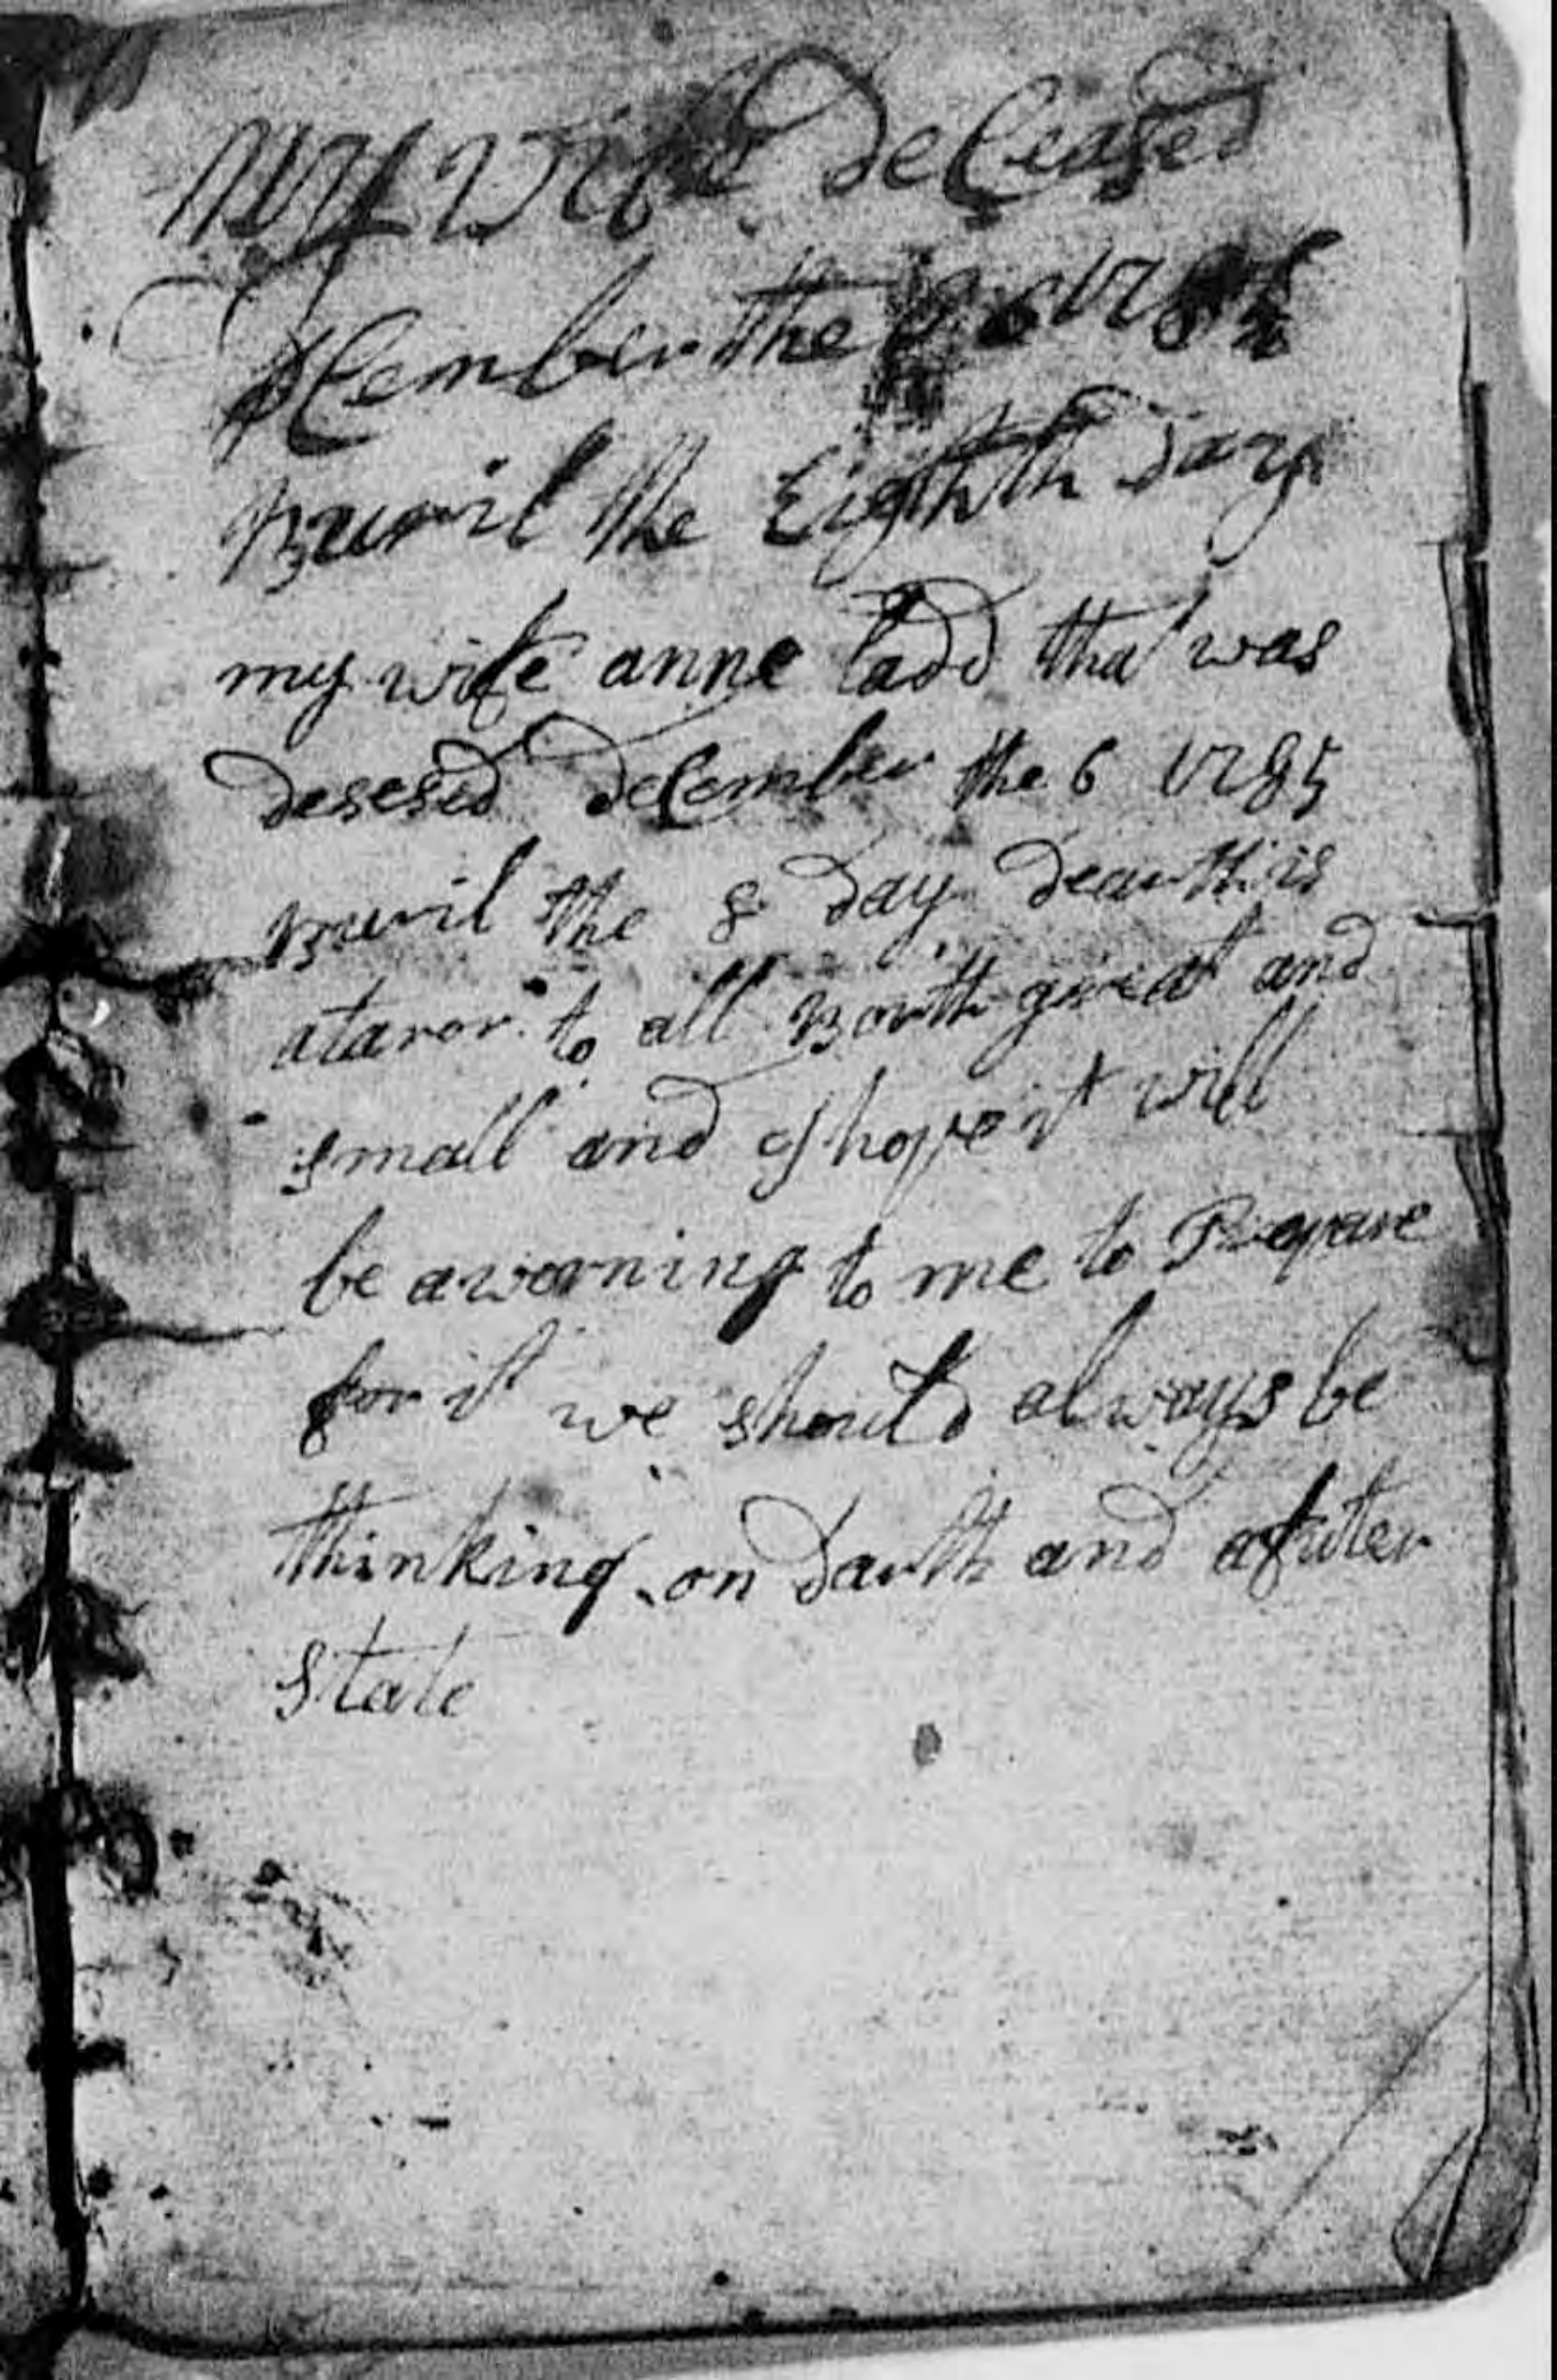My wife deceased December the 6th 1787 buried on the 8th day. My wife Anne Ladd (that was deceased December the 6th 1785 buried the 8th day. Death is a tarot [terror?] to all both great and small and of hope it will be a warning to me to prepare for it we should always be thinking of death and a better state.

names: Anne Tadd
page: 15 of 34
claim: widow's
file: W. 20,896, Timothy Corless, Continental Mass